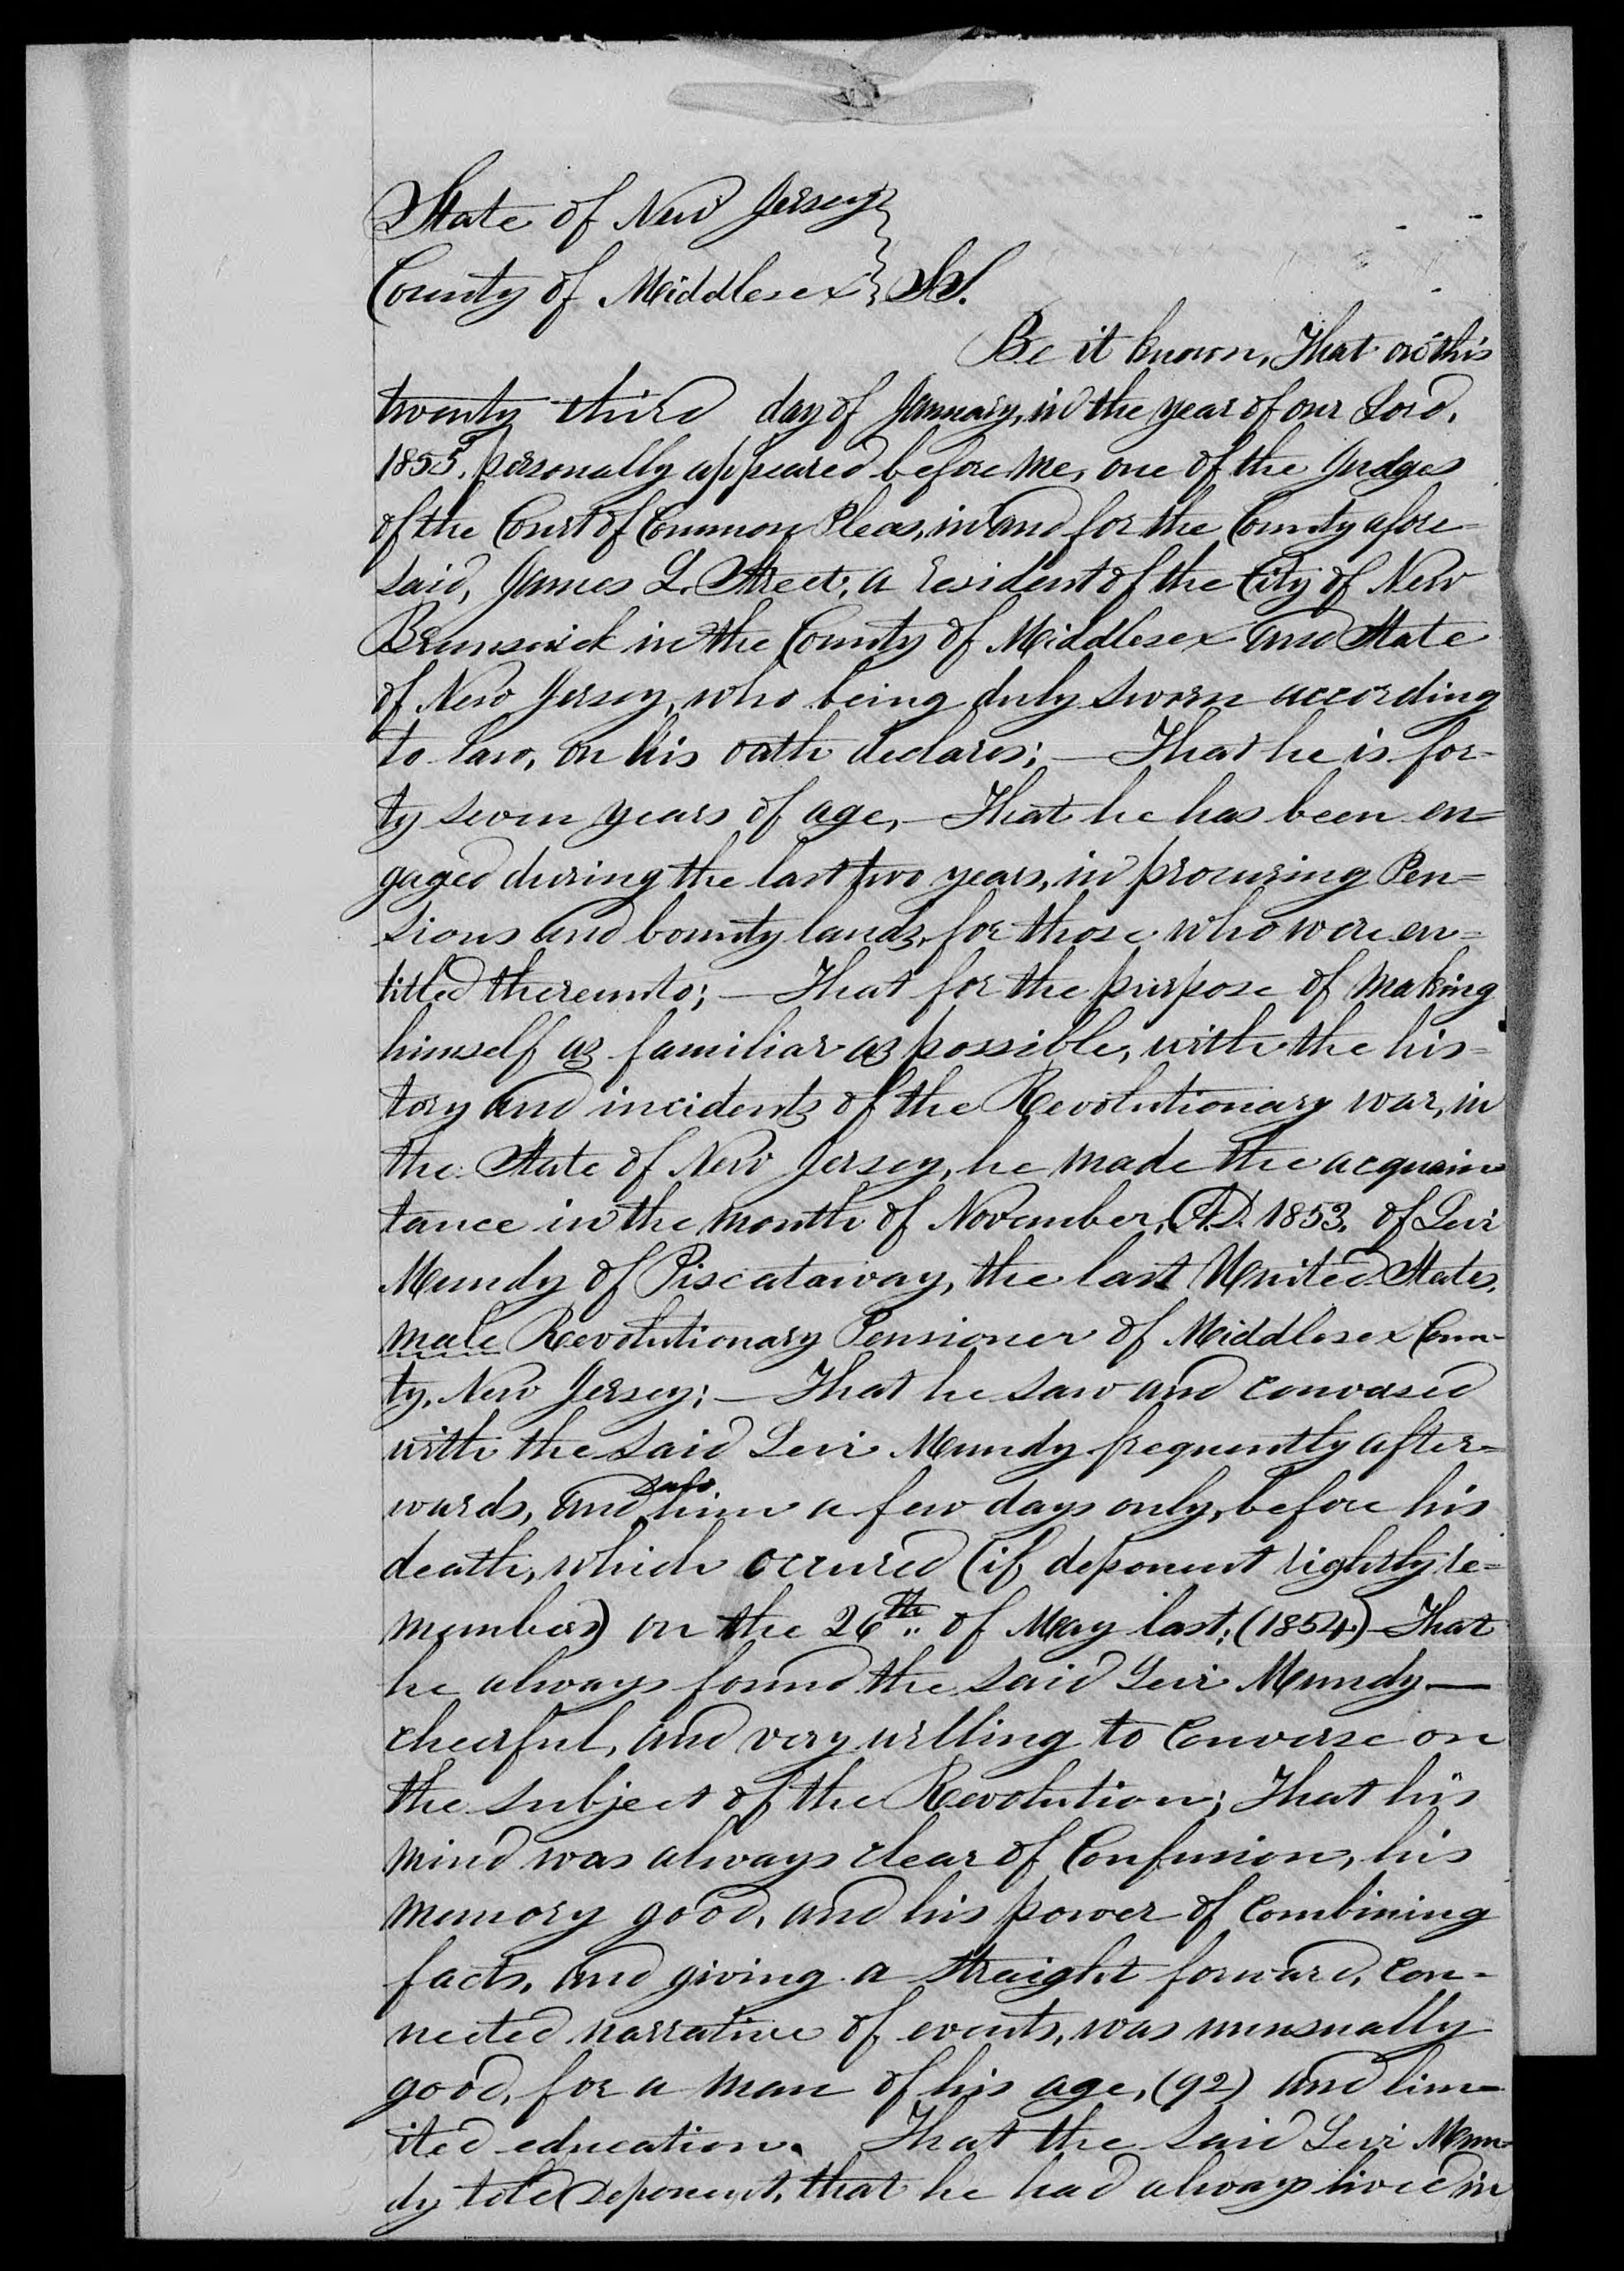State of New Jersey
County of Middlesex//

Be it known that on this Twenty third day of January, in the year of our Lord 1853, personally appeared before me, one of the Judges of the Court of Common Pleas in and for the County aforesaid, James L. Street, a resident of the City of New Brunswick in the County of Middlesex and State of New Jersey, who being duly sworn according to law on his oath declares; That he is Forty seven years of age. That he has been engaged during the last two years in procuring pensions and bounty lands for those who were entitled thereunto; That for the purpose of making himself as familiar as possible with the history and incidents of the Revolutionary War in the State of New Jersey, he made the acquaintance in the month of November A.D. 1853, of Levi Mundy of Piscataway, the last United States male Revolutionary Pensioner of Middlesex County, New Jersey; That he saw and conversed with the said Levi Mundy frequently afterwards and saw him a few days only before his death, which occurred (if deponent lightly remembers) on the 26th of May last; (1854). That
he always found the said Levi Mundy cheerful and very willing to converse on the subject of the Revolution; That his mind was always clear of confession, his memory good and his power of combining facts and giving a straight forward connected narrative of events, was usually good, for a man of his age, (92), and limited education. That the said Levi Mundy told deponent that he had always lived in...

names: Levi Munday; James J Street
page: 18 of 95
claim: survivor's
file: S 2889, for Levi Mundy, New Jersey